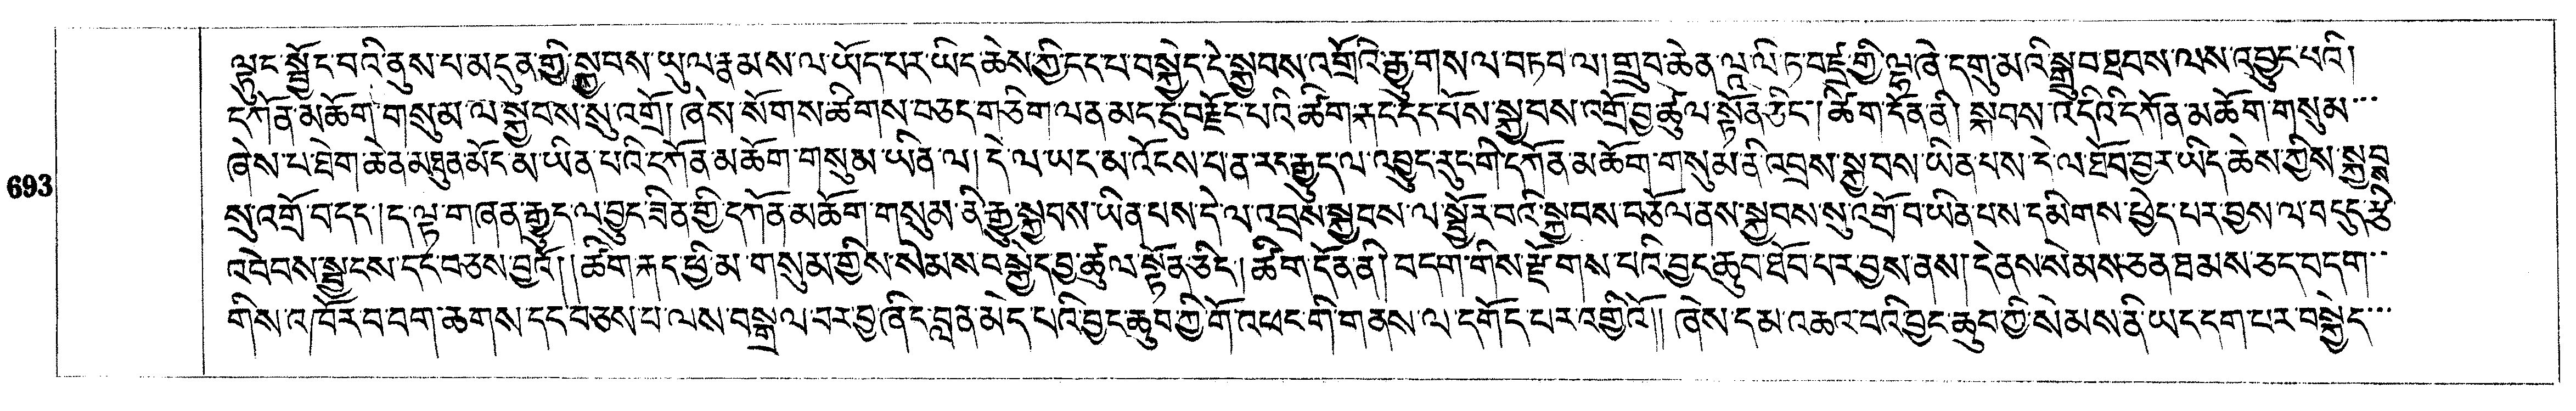ལྟུང་སྦྱོང་བའི་ནུས་པ་མདུན་གྱི་སྐྱབས་ཡུལ་རྣམས་ལ་ཡོད་པར་ཡིད་ཆེས་ཀྱི་དད་པ་བསྐྱེད་དེ་སྐྱབས་འགྲོའི་རྒྱུ་གསལ་བཏབ་ལ། གྲུབ་ཆེན་ལཱ་ལི་ཏ་བཛྲ་གྱི་ལྷ་ཞེ་དགུ་མའི་སྒྲུབ་ཐབས་ལས་འབྱུང་བའི།
དཀོན་མཆོག་གསུམ་ལ་སྐྱབས་སུ་འགྲོ། ཞེས་སོགས་ཚིགས་བཅད་གཅིག་ལན་མང་དུ་བརྗོད་པའི་ཚིག་རྐང་དང་པོས་སྐྱབས་འགྲོ་བྱ་ཚུལ་སྟོན་ཅིང་། ཚིག་དོན་ནི། སྐབས་འདིའི་དཀོན་མཆོག་གསུམ་
ཞེས་པ་ཐེག་ཆེན་མཐུན་མོང་མ་ཡིན་པའི་དཀོན་མཆོག་གསུམ་ཡིན་ལ། དེ་ལ་ཡང་མ་འོངས་པ་ན་རང་རྒྱུད་ལ་འབྱུང་རུང་གི་དཀོན་མཆོག་གསུམ་ནི་འབྲས་སྐྱབས་ཡིན་པས་དེ་ལ་ཐོབ་བྱར་ཡིད་ཆེས་ཀྱིས་སྐྱབས་
སུ་འགྲོ་བ་དང་། ད་ལྟ་གཞན་རྒྱུད་ལ་བྱུང་ཟིན་གྱི་དཀོན་མཆོག་གསུམ་ནི་རྒྱུ་སྐྱབས་ཡིན་པས་དེ་ལ་འབྲས་སྐྱབས་ལ་སྦྱོར་བའི་སྐྱབས་བཅོལ་ནས་སྐྱབས་སུ་འགྲོ་བ་ཡིན་པས་དམིགས་ཕྱེད་པར་བྱས་ལ་བདུད་རྩི་
འབེབས་སྦྱངས་དང་བཅས་བྱའོ། །ཚིག་རྐང་ཕྱི་མ་གསུམ་གྱིས་སེམས་བསྐྱེད་བྱ་ཚུལ་སྟོན་ཅིང་། ཚིག་དོན་ནི། བདག་གིས་རྫོགས་པའི་བྱང་ཆུབ་ཐོབ་པར་བྱས་ནས། དེ་ནས་སེམས་ཅན་ཐམས་ཅད་བདག་
གིས་འཁོར་བ་བག་ཆགས་དང་བཅས་པ་ལས་བསྒྲལ་བར་བྱ་ཞིང་བླ་ན་མེད་པའི་བྱང་ཆུབ་ཀྱི་གོ་འཕང་གི་གནས་ལ་དགོད་པར་འགྱིའོ། །ཞེས་དམ་འཆའ་བའི་བྱང་ཆུབ་ཀྱི་སེམས་ནི་ཡང་དག་པར་བསྐྱེད་